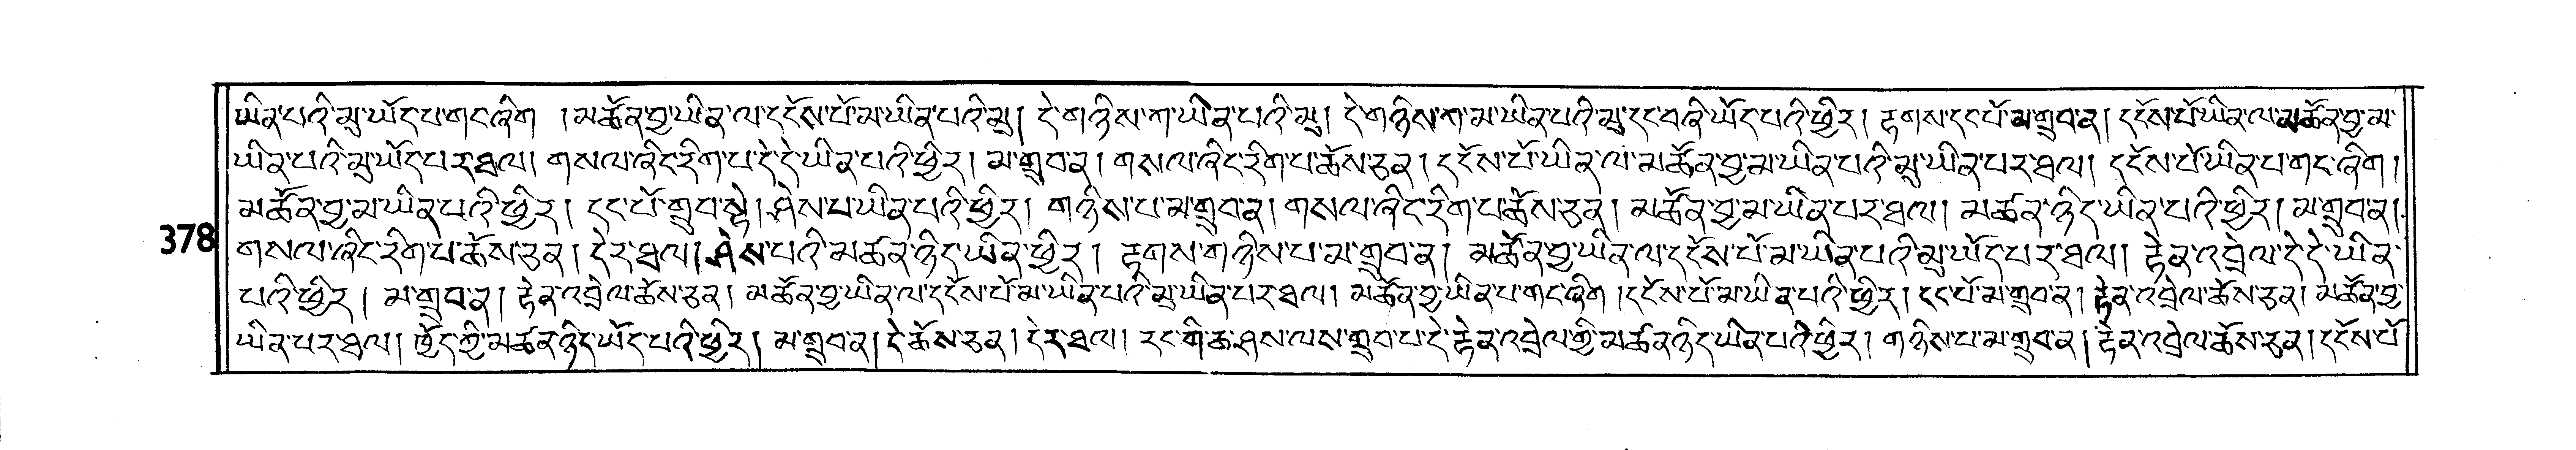ཡིན་པའི་མུ་ཡོད་པ་གང་ཞིག། །མཚོན་བྱ་ཡིན་ལ་དངོས་པོ་མ་ཡིན་པའི་མུ། དེ་གཉིས་ཀ་ཡིན་པའི་མུ། དེ་གཉིས་ཀ་མ་ཡིན་པའི་མུ་དང་བཞི་ཡོད་པའི་ཕྱིར། རྟགས་དང་པོ་མ་གྲུབ་ན། དངོས་པོ་ཡིན་ལ་མཚོན་བྱ་མ་
ཡིན་པའི་མུ་ཡོད་པར་ཐལ། གསལ་ཞིང་རིག་པ་དེ་དེ་ཡིན་པའི་ཕྱིར། མ་གྲུབ་ན། གསལ་ཞིང་རིག་པ་ཆོས་ཅན། དངོས་པོ་ཡིན་ལ་མཚོན་བྱ་མ་ཡིན་པའི་མུ་ཡིན་པར་ཐལ། དངོས་པོ་ཡིན་པ་གང་ཞིག།
མཚོན་བྱ་མ་ཡིན་པའི་ཕྱིར། དང་པོ་གྲུབ་སྟེ། ཤེས་པ་ཡིན་པའི་ཕྱིར། གཉིས་པ་མ་གྲུབ་ན། གསལ་ཞིང་རིག་པ་ཆོས་ཅན། མཚོན་བྱ་མ་ཡིན་པར་ཐལ། མཚན་ཉིད་ཡིན་པའི་ཕྱིར། མ་གྲུབ་ན།
གསལ་ཞིང་རིག་པ་ཆོས་ཅན། དེར་ཐལ། ཤེས་པའི་མཚན་ཉིད་ཡིན་ཕྱིར། རྟགས་གཉིས་པ་མ་གྲུབ་ན། མཚོན་བྱ་ཡིན་ལ་དངོས་པོ་མ་ཡིན་པའི་མུ་ཡོད་པར་ཐལ། རྟེན་འབྲེལ་དེ་དེ་ཡིན་
པའི་ཕྱིར། མ་གྲུབ་ན། རྟེན་འབྲེལ་ཆོས་ཅན། མཚོན་བྱ་ཡིན་ལ་དངོས་པོ་མ་ཡིན་པའི་མུ་ཡིན་པར་ཐལ། མཚོན་བྱ་ཡིན་པ་གང་ཞིག །དངོས་པོ་མ་ཡིན་པའི་ཕྱིར། དང་པོ་མ་གྲུབ་ན། རྟེན་འབྲེལ་ཆོས་ཅན། མཚོན་བྱ་
ཡིན་པར་ཐལ། ཁྱོད་ཀྱི་མཚན་ཉིད་ཡོད་པའི་ཕྱིར། མ་གྲུབ་ན། དེ་ཆོས་ཅན། དེར་ཐལ། རང་གི་ཆ་ཤས་ལས་གྲུབ་པ་དེ་རྟེན་འབྲེལ་གྱི་མཚན་ཉིད་ཡིན་པའི་ཕྱིར། གཉིས་པ་མ་གྲུབ་ན། རྟེན་འབྲེལ་ཆོས་ཅན། དངོས་པོ་